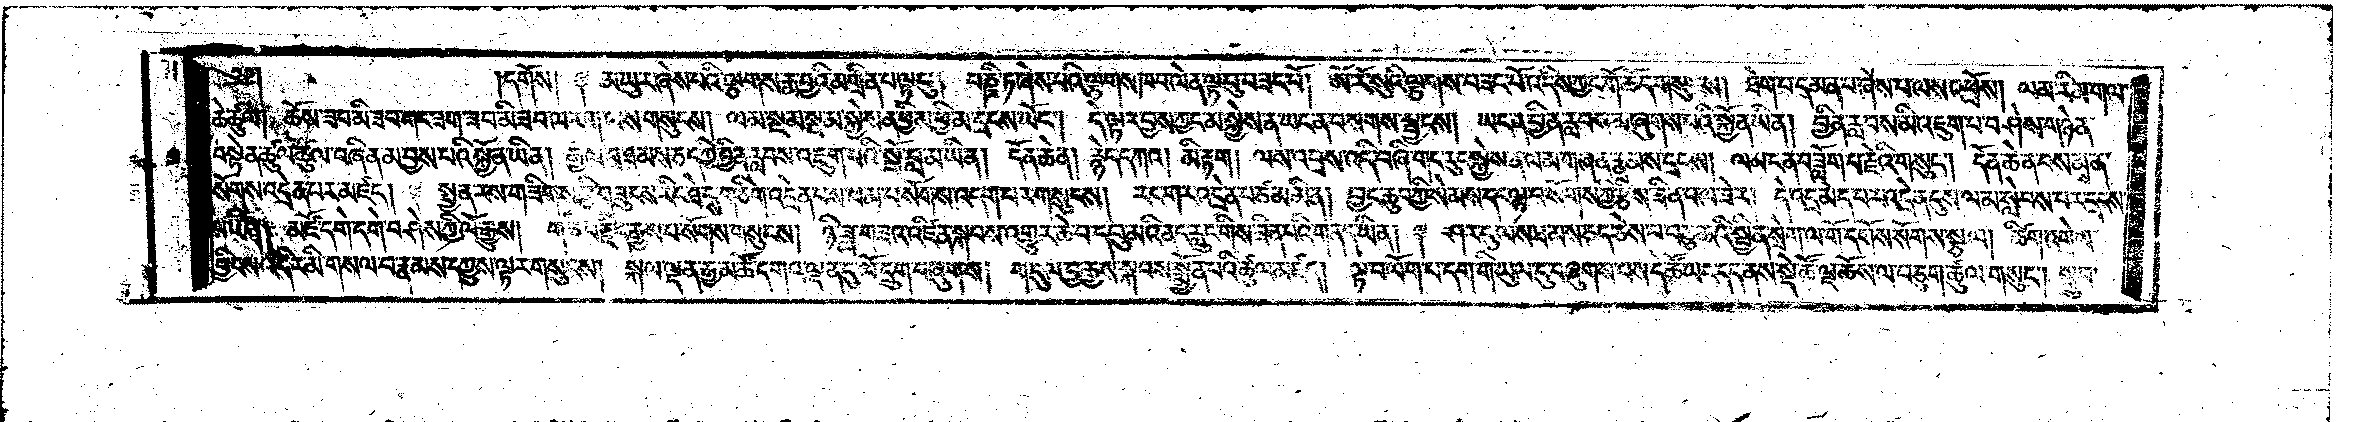༄༅། །དགོས། ༈ མ་ཡུར་ཞོས་པའི་ལྕགས་རྨ་བྱའི་མགྲིན་པ་ལྟ་བུ། པཎྜི་ཏ་ཞེས་པའི་ལྕགས་ཁབ་ལེན་ལྟ་བུ་བཟང་པོ། ཨ་རོ་སུའི་ལྕགས་བཟང་པོ་འདིས་ཀྱང་གོ་ཆོད་གསུངས། ཐེག་པ་དམན་པ་ཞེས་པ་ལས་འཕྲོས། ལམ་རིམ་གལ་
ཆེ་ཚུལ། ཆོས་ཟབ་མི་ཟབ་གང་ཟག་ཟབ་མི་ཟབ་ལ་རག་ལས་གསུངས། ལམ་སྔ་མ་སྔ་མ་སྐྱེས་ན་ཕྱི་མ་ཕྱི་མ་དྲངས་ཡོང་། དེ་ལྟར་བྱས་ཀྱང་མ་སྐྱེས་ན་ཡང་ན་འྶགས་སྦྱངས། ཡང་ན་བྱིན་རླབས་མ་ཞུགས་པའི་སྐྱོན་ཡིན། བྱིན་རླབས་མི་འཇུག་པ་བཤེས་གཉེན་
བསྟེན་ཚུལ་ཚུལ་བཞིན་མ་བྱས་པའི་སྐྱོན་ཡིན། རྒྱལ་བ་ཐམས་ཅད་ཀྱི་བྱིན་རླབས་འཇུག་པའི་སྒོ་བླ་མ་ཡིན། དོན་ཆེན། རྙེད་དཀའ། མི་རྟག། ལས་འབྲས་འདི་བཞི་གང་རུང་སྐྱེས་ཞལ་མ་གཞན་རྣམས་དྲངས། ལམ་ངན་བཟློག་པ་རྗེའི་གསུང་། དོན་ཆེན་བསམས་ན་
སོགས་འདྲེན་པར་མཛད། ༈ སྤྱན་རས་གཟིགས་ཀྱི་གཟུངས་རིང་ཐེངས་གཅིག་འདྲེན་པས་ཕམ་པ་སོགས་འདག་པར་གསུངས། རང་གར་འདྲེན་པ་ཙམ་མིན། བྱང་ཆུབ་ཀྱི་སེམས་དང་ལྟ་བ་སོགས་ཀྱི་རྩིས་ཟིན་པ་ལ་ཟེར། དེ་འདྲ་མེད་པར་འདྲེན་དུས་ལམ་སླེབས་པར་དྲངས་
པ་ཡིན། མཛོ་དགེ་དགེ་བཤེས་ཀྱི་ལོ་རྒྱུས། གཟི་བརྗིད་རྒྱས་བ་སོགས་གསུངས། ཉི་ཟླ་གཟའ་འཛིན་སྐབས་འགྱུར་ཆེ་བ་དབུ་མའི་ནང་རླུང་གིས་ཟིན་པའི་གནད་ཡིན། ༈ ཤར་དུ་ལས་ཐམས་ཅད་ཅེས་པ་བཅུ་ཆའི་སྦྱིན་སྲེག་ལ་གོ་དགོས་སོགས་སྩལ། ཚིག་འགྲེལ་
བྱིངས་འདིར་མི་གསལ་བ་རྣམས་དཀྱུས་ལྟར་གསུངས། སྐལ་ལྡན་རྒྱ་མཚོ་དགའ་ལྡན་དུ་ལོ་དྲུག་བཞུགས། གདུལ་བྱ་རྒྱས་སྐབས་སྨྱོན་པའི་ཚུལ་མཛད། ལྟ་བ་ལོག་པ་དག་གི་ཡུལ་དུ་བཞུགས་པས་དེ་ཚོ་ཡང་དད་ནས་སྡེ་ཚོལ་ཆོས་ལ་བཅུག་ཚུལ་གསུང་། སྒྲུབ་